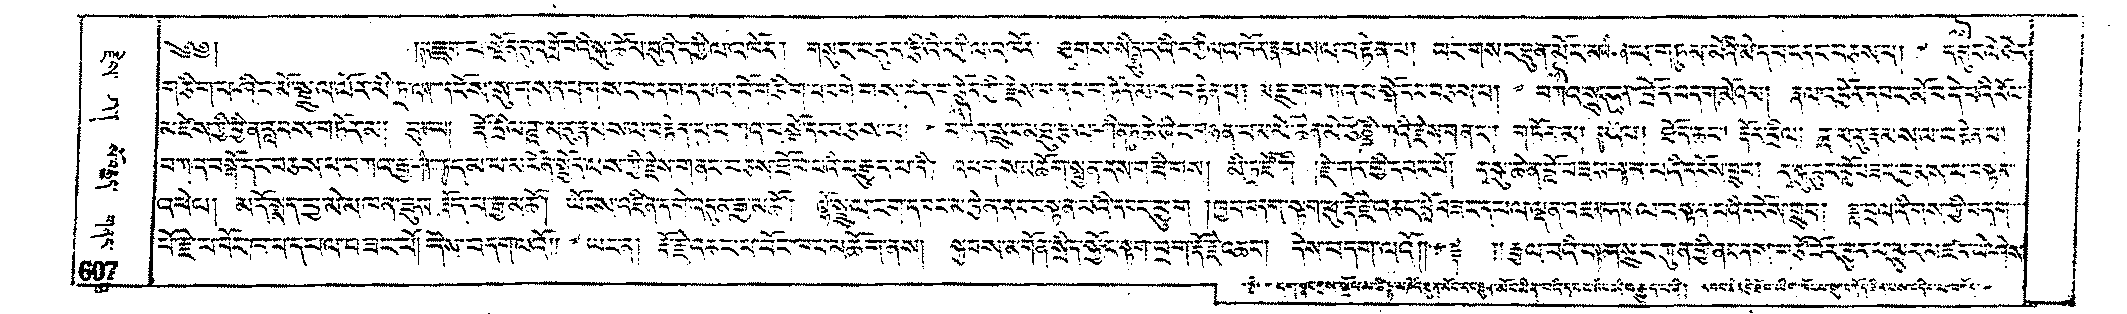༄༅། །དུ་འཇུག་པ་སྔོན་དུ་འགྲོ་བའི་སྐུ་ཚོམ་བུའི་དཀྱིལ་འཁོར། གསུང་བདུད་རྩིའི་དཀྱིལ་འཁོར། ཐུགས་སིནྡྷུ་རའི་དཀྱིལ་འཁོར་རྣམས་ལ་བརྟེན་པ། ཡང་གསང་ཐུན་མོང་མ་ཡིན་པ་གཏུམ་མོའི་མེ་དབང་དང་བཅས་པ། ༧་དགུང་ལོ་ཉེར་
གཅིག་པ་ཤིང་མོ་སྤྲུལ་ལོར་མི་ཏྲ་ལས་དངོས་སུ་གསན་པ་གསང་བདག་དཔའ་བོ་གཅིག་པ་བགེགས་ཚར་གཅོད་ཀྱི་རྗེས་གནང་གཏོར་མ་ལ་བརྟེན་པ། མཇུག་བཀའ་བསྒོ་དང་། བཅས་པ། ༧་བཀའ་སྲུང་དུར་ཁྲོད་བདག་མོའམ། རྣལ་འབྱོར་དབང་མོ་བདེ་བའི་རོལ་
མཛེས་ཀྱི་བྱིན་རླབས་གཏོར་མ། བུམ་པ། རྡོ་དྲིལ་ཌཱ་མ་རུ་རྣམས་ལ་བརྟེན་པ་བཀའ་བསྒོ་དང་བཅས་པ། ༧་བཀའ་སྲུང་མཐུ་རྩལ་ཤིན་ཏུ་ཆེ་ཞིང་གཉན་པ་མ་མོ་ཆེན་མོ་ཙཎྜི་ཀའི་རྗེས་གནང་། གཏོར་མ། བུམ་པ། ཐོད་ཆང་། རྡོར་དྲིལ། ཌཱ་མ་རུ་རྣམས་ལ་བརྟེན་པ།
བཀའ་བསྒོ་དང་བཅས་པ་བཀའ་རྒྱ་ཤིན་ཏུ་དམ་པ་མངོན་སྤྱོད་ལས་ཀྱི་རྗེས་གནང་བཅས་ཐོབ་པའི་བརྒྱུད་པ་ནི། འཕགས་མཆོག་སྤྱན་རས་གཟིགས། མི་ཏྲ་ཛོ་ཀི །རྗེ་གར་གྱི་དབང་པོ། རྭ་སྐུ་ཆེན་བློ་བཟང་བསྟན་པའི་དངོས་གྲུབ། རྭ་སྐུ་ཆུང་བློ་བཟང་བྱམས་པ་བསྟན་
འཕེལ། མདོ་སྨད་བྱ་མེ་མཁན་ཟུར་བཟོད་པ་རྒྱ་མཚོ། ཡོངས་འཛིན་དགེ་འདུན་རྒྱ་མཚོ། ལྷོ་སྤྲུལ་ངག་དབང་མཁྱེན་རབ་བསྟན་པའི་དབང་ཕྱུག །ཁྱབ་བདག་སྟག་ཕུ་རྡོ་རྗེ་འཆང་བློ་བཟང་དཔལ་ལྡན་འཇམ་དཔལ་བསྟན་པའི་དངོས་གྲུབ། ཟླ་བྲལ་རིགས་ཀྱི་བདག་
པོ་རྗེ་ཕ་བོང་ཁ་པ་དཔལ་བཟང་པོ། དེས་བདག་ལའོ།། ༧་ཡང་ན། རྡོ་རྗེ་འཆང་ཕ་བོང་ཁ་པ་མཆོག་ནས། སྐྱབས་མགོན་སྲིད་མགོན་སྲིད་སྐྱོང་སྟག་བྲག་རྡོ་རྗེ་འཆང་། དེས་བདག་ལའོ།། ༈ །།རྒྱལ་བའི་བསྟན་སྲུང་ཀུན་གྱི་ནང་ནས་གཙོ་བོར་གྱུར་པ་མྱུར་མཛད་ཡེ་ཤེས་༧་དག་སྣང་གྲྶ་སྒྲོལ་མ་ཅི་ཏཏ་མ་ཎིའི་ཐུན་མོང་དང་ཐུན་མོང་མིན་པའི་དབང་ཐོབ་པའི་བརྒྱུད་པ་ནི། དབང་ཆེན་གྱི་ཐོབ་ཡིག་ཁོངས་སུ་བཀོད་ཟིན་པས་འདིར་མ་བཀོད།